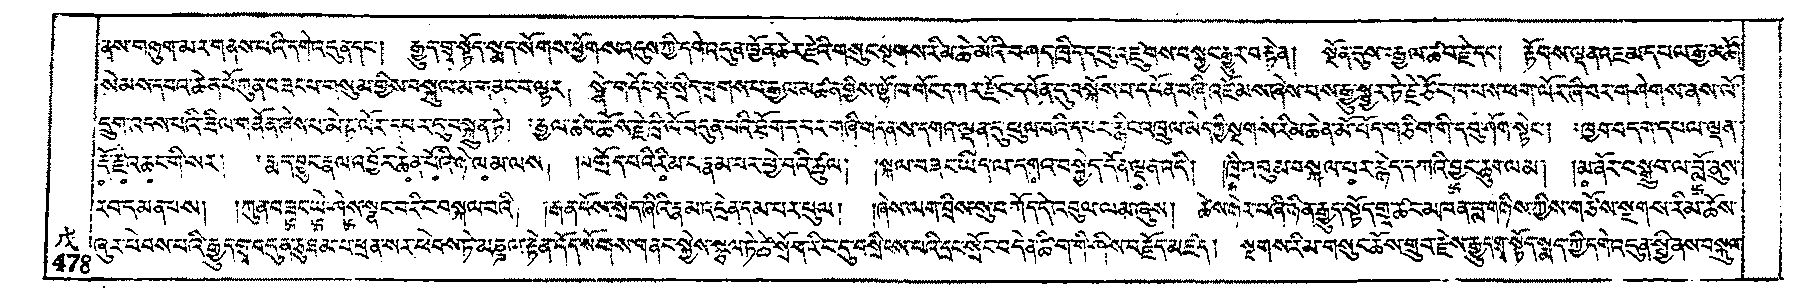ནས་གཉུག་མར་གནས་པའི་དགེ་འདུན་དང་། རྒྱུད་གྲྭ་སྟོད་སྨད་སོགས་ཕྱོགས་འདུས་ཀྱི་དགེ་འདུན་ཁྱོན་ཆེར་རྗེའི་གསུང་སྔགས་རིམ་ཆེ་མོའི་བཤད་ཁྲིད་དབུ་འཛུགས་བསྐྱང་རྒྱུར་བརྟེན། སྔོན་དུས་༧རྒྱལ་ཚབ་རྗེ་དང་། རྟོགས་ལྡན་འཇམ་དཔལ་རྒྱ་མཚོ།
སེམས་དཔའ་ཆེན་པོ་ཀུན་བཟང་པ་གསུམ་གྱིས་བསྐུལ་མ་གནང་བ་ལྟར། སྣེ་གདོང་སྡེ་སྲིད་གྲགས་པ་རྒྱལ་མཚན་གྱིས་ལྷོ་ཁ་གོང་དཀར་རྫོང་དཔོན་དུ་བསྐོས་པ་དཔོན་བཞི་འཛོམས་ཞེས་པས་རྒྱུ་སྦྱར་ཏེ་རྗེ་ཙོང་ཁ་པས་ཕག་ལོར་ཞི་བར་གཤེགས་ནས་ལོ་
དྲུག་འདས་པའི་ཟིལ་གནོན་ཞེས་པ་མེ་རྟ་ལོར་དཔར་དུ་བསྐྲུན་ཏེ། ༧རྒྱལ་ཚབ་ཆོས་རྗེ་ཁྲི་ལོ་བདུན་པའི་ཐོག་དབར་གཞི་གདན་ས་དགའ་ལྡན་དུ་ཕུལ་བའི་དཔར་རྙིང་འཁྲུལ་མེད་ཀྱི་སྔགས་རིམ་ཆེན་མོ་པོད་གཅིག་གི་དབུ་ཤོག་སྟེང་། ༧ཁྱབ་བདག་དཔལ་ལྡན་
རྡོ་རྗེ་འཆང་གི་སར། །རྨད་བྱུང་རྣལ་འབྱོར་ཆེན་པོའི་ཉེ་ལམ་ལས། །བགྲོད་པའི་རིམ་པ་རྣམ་པར་ཕྱེ་བའི་ཚུལ། །སྐལ་བཟང་ཡིད་ལ་དགའ་བསྐྱེད་དོན་ལྡན་འདི། །ཁྲི་འབུམ་བསྐལ་པར་རྙེད་དཀའི་བྱང་ཆུབ་ལམ། །མ་ནོར་བསྒྲུབ་ལ་བློ་ནུས་
རབ་དམན་པས། །ཀུན་བཟང་ཡེ་ཤེས་སྣང་བ་རིང་བསྐལ་བའི། །རྒན་པོས་སྲིད་ཞིའི་རྣམ་འདྲེན་དམ་པར་ཕུལ། །ཞེས་ལག་བྲིས་སུ་བཀོད་དེ་འབུལ་ལམ་ཞུས། ཚེས་ཉེར་བཞི་ཉིན་རྒྱུད་སྟོད་གྲྭ་ཚང་མཁན་བླ་གཉིས་ཀྱིས་གཙོས་སྔགས་རིམ་ཆོས་
ཞུར་ཕེབས་པའི་རྒྱུད་གྲྭ་བདུན་ཅུ་ཐམ་པ་ཕྲན་སར་ཕེབས་ཏེ་མཎྜལ་རྟེན་དོད་སོགས་གནང་སྐྱེས་སྩལ་ཏེ་ཚེ་སྲོག་རིང་དུ་བསྲིངས་པའི་དྲང་སྲོང་བདེན་ཚིག་གི་ཤིས་བརྗོད་མཛད། སྔགས་རིམ་གསུང་ཆོས་གྲུབ་རྗེས་རྒྱུད་གྲྭ་སྟོད་སྨད་ཀྱི་དགེ་འདུན་སྤྱི་ནས་བསྐུལ་